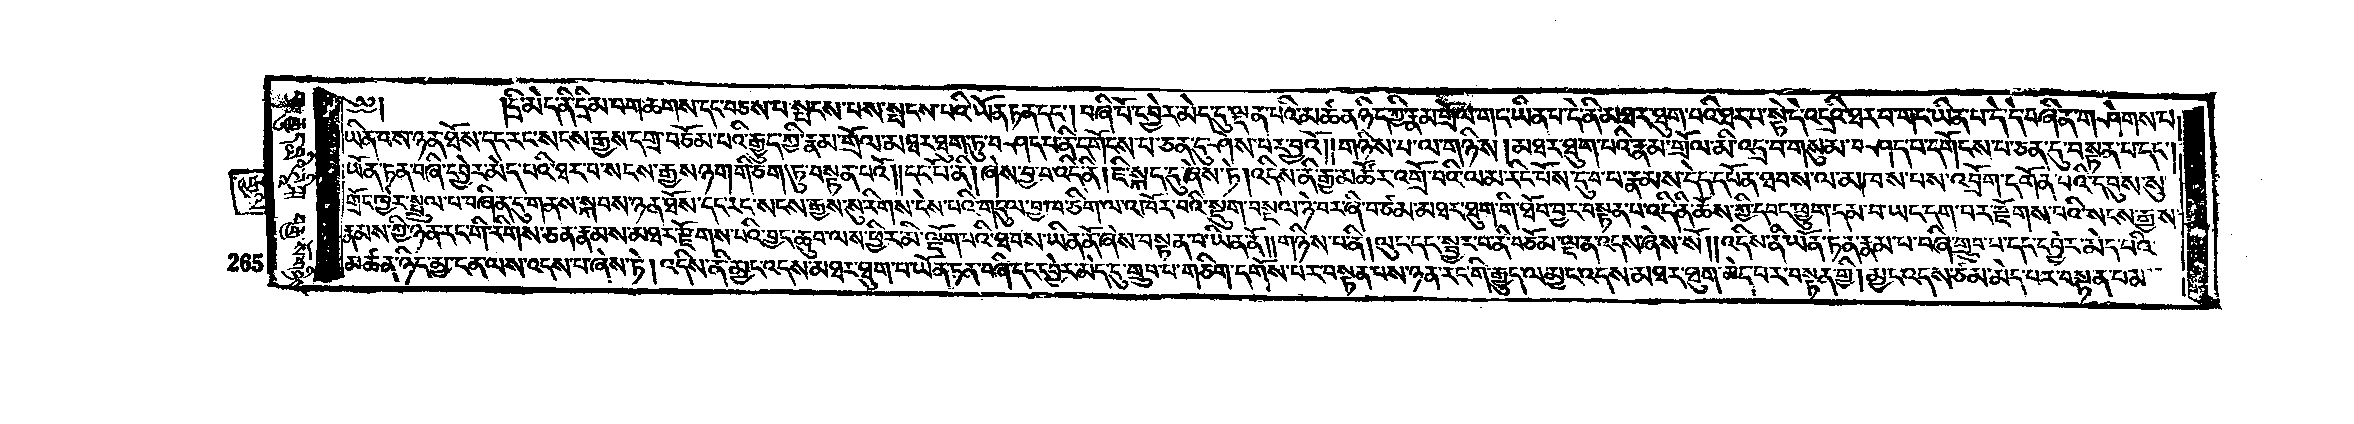༄༅། །དྲི་མེད་ནི་དྲི་མ་བག་ཆགས་དང་བཅས་པ་སྤངས་པས་སྤངས་པའི་ཡོན་ཏན་དང་། བཞི་པོ་དབྱེར་མེད་དུ་ལྡན་པའི་མཚན་ཉིད་ཀྱི་རྣམ་གྲོལ་གང་ཡིན་པ་དེ་ནི་མཐར་ཐུག་པའི་ཐར་པ་སྟེ་དེ་འདྲའི་ཐར་པ་གང་ཡིན་པ་དེ་དེ་བཞིན་གཤེགས་པ་
ཡིན་པས་ཉན་ཐོས་དང་རང་སངས་རྒྱས་དགྲ་བཅོམ་པའི་རྒྱུད་ཀྱི་རྣམ་གྲོལ་མཐར་ཐུག་ཏུ་བཤད་པ་ནི་དགོངས་པ་ཅན་དུ་ཤེས་པར་བྱའོ། །གཉིས་པ་ལ་གཉིས། མཐར་ཐུག་པའི་རྣམ་གྲོལ་མི་འདྲ་བ་གསུམ་བཤད་པ་དགོངས་པ་ཅན་དུ་བསྟན་པ་དང་།
ཡོན་ཏན་བཞི་དབྱེར་མེད་པའི་ཐར་པ་སངས་རྒྱས་ཉག་གཅིག་ཏུ་བསྟན་པའོ། །དང་པོ་ནི། ཞེས་བྱ་བ་འདི་ནི། ཇི་སྐད་དུ་ཞེས་ཏེ། འདིས་ནི་རྒྱ་མཚོར་འགྲོ་བའི་ལམ་རིང་པོས་དུ་བ་པ་རྣམས་དེད་དཔོན་ཐབས་ལ་མཁས་པས་འབྲོག་དགོན་པའི་དབུས་སུ་
གྲོང་ཁྱེར་སྤྲུལ་པ་བཞིན་དུ་གནས་སྐབས་ཉན་ཐོས་དང་རང་སངས་རྒྱས་སུ་རིགས་ངེས་པའི་གདུལ་བྱ་ཁ་ཅིག་ལ་འཁོར་བའི་སྡུག་བསྔལ་ཉེ་བར་ཞི་བ་ཙམ་མཐར་ཐུག་གི་ཐོབ་བྱར་བསྟན་པ་འདི་ནི་ཆོས་ཀྱི་དབང་ཕྱུག་དམ་པ་ཡང་དག་པར་རྫོགས་པའི་སངས་རྒྱས་
རྣམས་ཀྱི་ཉན་རང་གི་རིགས་ཅན་རྣམས་མཐར་རྫོགས་པའི་བྱང་ཆུབ་ལས་ཕྱིར་མི་ལྡོག་པའི་ཐབས་ཡིན་ནོ་ཞེས་བསྟན་པ་ཡིན་ནོ། །གཉིས་པ་ནི། ལུང་དང་སྦྱར་བ་ནི་བཅོམ་ལྡན་འདས་ཞེས་སོ། །འདིས་ནི་ཡོན་ཏན་རྣམ་པ་བཞི་གྲུབ་པ་དང་དབྱེར་མེད་པའི་
མཚན་ཉིད་མྱ་ངན་ལས་འདས་པ་ཞེས་ཏེ། འདིས་ནི་མྱང་འདས་མཐར་ཐུག་པ་ཡོན་ཏན་བཞི་དང་དབྱེར་མེད་དུ་གྲུབ་པ་གཅིག་དགོས་པར་བསྟན་པས་ཉན་རང་གི་རྒྱུད་ལ་མྱང་འདས་མཐར་ཐུག་མེད་པར་བསྟན་གྱི་།མྱང་འདས་ཙམ་མེད་པར་བསྟན་པ་མ་